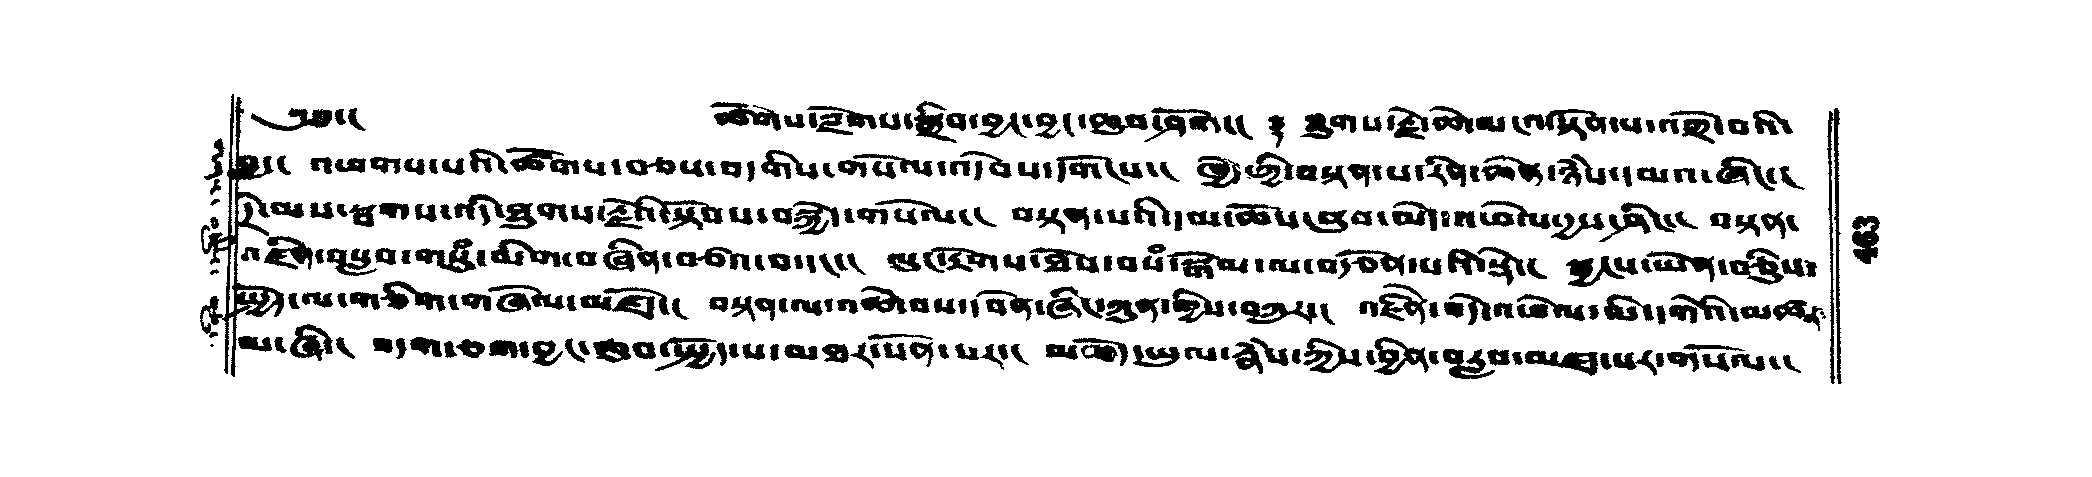ཚོགས་རྫོགས་སྒྲིབ་བྱང་བྱང་ཆུབ་ཤོག །ཐུགས་རྗེ་ཆེ་མངའ་སྟོན་པ་འགྲོ་བའི་
ལྷ། །འཕགས་པའི་ཚོགས་བཅས་བདག་གིས་གསོལ་འདེབས་དགོངས། །ཁྱེད་ཀྱི་བསྟན་པ་རིན་ཆེན་ཉམས་དམའ་ཞིང་། །
དྲི་མས་སྦགས་འདི་ཐུགས་རྗེའི་སྟོབས་བསྐྱེད་གསོལ། །བསྟན་པའི་དམ་ཆོས་ནུབ་མེད་འཕེལ་རྒྱས་ཤིང་། །བསྟན་
འཛིན་བསླབ་གསུམ་མིག་བཞིན་བཙའ་བ་དང་། །ལུང་རྟོགས་ཐོས་བསམ་སྒོམ་པར་བརྩོན་པའི་སྡེ། །སྦྱངས་ཡོན་བཅུ་གཉིས་
སྤྱོད་ལ་གཅིག་གཞོལ་མཛོད། །བསྟན་ལ་འཚེ་བས་དབེན་ཞིང་ཀུན་གྱིས་བཀུར། །འཇིག་རྟེན་བདེ་འཕེལ་མི་དགེའི་མཚན་
མ་ཞི། །བདག་ཅག་བྱང་ཆུབ་སྤྱོད་པ་མཐར་སོན་པར། །མཆོད་ཡུལ་རྣམས་ཀྱིས་བྱིན་རླབས་མཛད་པར་གསོལ།